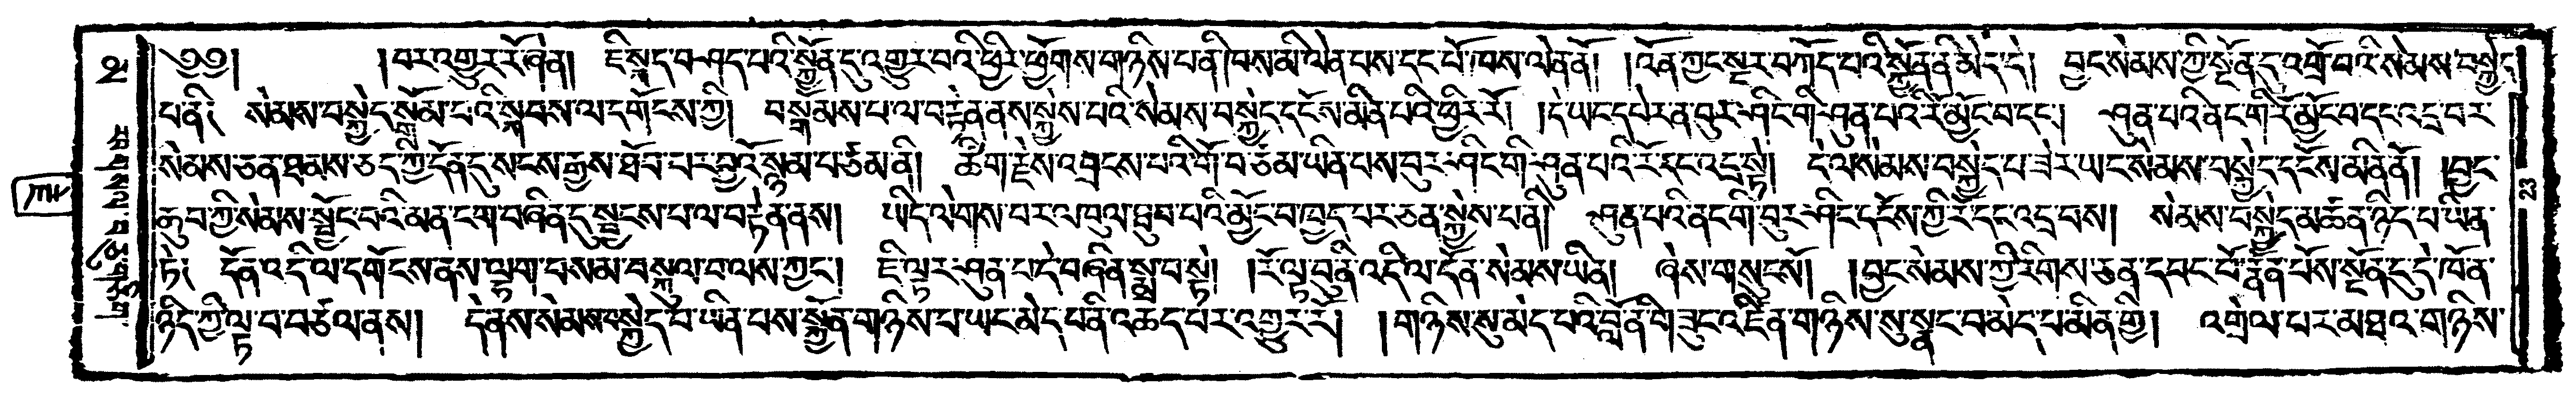༄༅། །བར་འགྱུར་རོ་ཞེ་ན། ཇི་སྐད་བཤད་པའི་སྐྱོན་དུ་འགྱུར་བའི་ཕྱིར་ཕྱོགས་གཉིས་པ་ནི་ཁས་མི་ལེན་པས་དང་པོ་ཁས་ལེན་ནོ། །འོན་ཀྱང་སྔར་བཀོད་པའི་སྐྱོན་ནི་མེད་དེ། བྱང་སེམས་ཀྱི་སྔོན་དུ་འགྲོ་བའི་སེམས་བསྐྱེད་
པ་ནི། སེམས་བསྐྱེད་སྒོམ་པའི་སྐབས་ལ་དགོངས་ཀྱི། བསྒོམས་པ་ལ་བརྟེན་ནས་སྐྱེས་པའི་སེམས་བསྐྱེད་དངོས་མིན་པའི་ཕྱིར་རོ། །དེ་ཡང་དཔེར་ན་བུར་ཤིང་གི་ཤུན་པའི་རོ་མྱོང་བ་དང་། ཤུན་པའི་ནང་གི་རོ་མྱོང་བ་དང་འདྲ་བར་
སེམས་ཅན་ཐམས་ཅད་ཀྱི་དོན་དུ་སངས་རྒྱས་ཐོབ་པར་བྱའོ་སྙམ་པ་ཙམ་ནི། ཚིག་རྗེས་འབྲངས་པའི་གོ་བ་ཙམ་ཡིན་པས་བུར་ཤིང་གི་ཤུན་པའི་རོ་དང་འདྲ་སྟེ། དེ་ལ་སེམས་བསྐྱེད་པ་ཟེར་ཡང་སེམས་བསྐྱེད་དངོས་མིན་ནོ། །བྱང་
ཆུབ་ཀྱི་སེམས་སྦྱོང་བའི་མན་ངག་བཞིན་དུ་སྦྱངས་པ་ལ་བརྟེན་ནས། ཡིད་ལེགས་པར་འཁུལ་ཐུབ་པའི་མྱོང་བ་ཁྱད་པར་ཅན་སྐྱེས་པ་ནི། ཤུན་པའི་ནང་གི་བུར་ཤིང་དངོས་ཀྱི་རོ་དང་འདྲ་བས། སེམས་བསྐྱེད་མཚན་ཉིད་པ་ཡིན་
ཏེ༑ དོན་འདི་ལ་དགོངས་ནས་ལྷག་བསམ་བསྐུལ་བ་ལས་ཀྱང་། ཇི་ལྟར་ཤུན་པ་དེ་བཞིན་སྨྲ་བ་སྟེ། །རོ་ལྟ་བུ་ནི་འདི་ལ་དོན་སེམས་ཡིན། ཞེས་གསུངས་སོ། །བྱང་སེམས་ཀྱི་རིགས་ཅན་དབང་པོ་རྣོན་པོས་སྔོན་དུ་དེ་ཁོ་ན་
ཉིད་ཀྱི་ལྟ་བ་བཙལ་ནས། དེ་ནས་སེམས་བསྐྱེད་པ་ཡིན་པས་སྐྱོན་གཉིས་པ་ཡང་མེད་པ་ནི་འཆད་པར་འགྱུར་རོ། །གཉིས་སུ་མེད་པའི་བློ་ནི་གཟུང་འཛིན་གཉིས་སུ་སྣང་བ་མེད་པ་མིན་གྱི། འགྲེལ་པར་མཐའ་གཉིས་